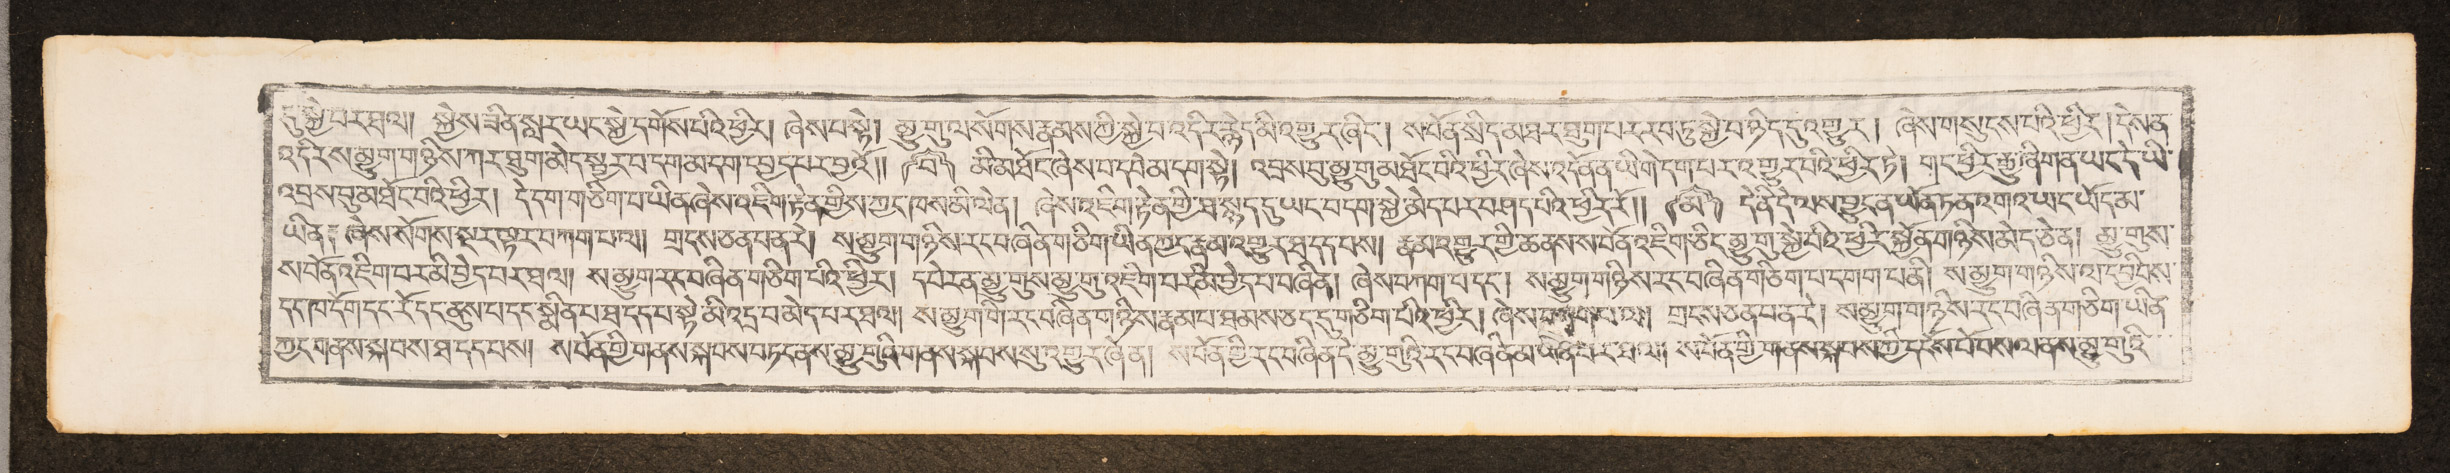།དུ་སྐྱེ་བར་ཐལ། སྐྱེ་ཟིན་སླར་ཡང་སྐྱེ་དགོས་པའི་ཕྱིར། ཞེས་པ་སྟེ། མྱུ་གུ་ལ་སོགས་རྣམས་ཀྱི་སྐྱེ་བ་འདིར་རྙེད་མི་འགྱུར་ཞིང་། ས་བོན་སྲིད་མཐར་ཐུག་པར་རབ་ཏུ་སྐྱེ་བ་ཉིད་དུ་འགྱུར། ཞེས་གསུངས་པའི་ཕྱིར། དེས་ན་
འདིར་ས་མྱུག་གཉིས་ཀར་ཐུག་མེད་སྦྱར་བ་དག་མ་དག་དཔྱད་པར་བྱའོ།། ༼༽བ༼༽ མི་མཐོང་ཞེས་པ་དཔེ་མ་དག་སྟེ། འབྲས་བུ་མྱུག་གུ་མཐོང་བའི་ཕྱིར་ཞེས་འདོན་ཡི་གེ་དག་པར་འགྱུར་བའི་ཕྱིར་ཏེ། གང་ཕྱིར་རྒྱུ་ཞིག་ན་ཡང་དེ་ཡི་
འབྲས་བུ་མཐོང་བའི་ཕྱིར། དེ་དག་གཅིག་པ་ཡིན་ཞེས་འཇིག་རྟེན་གྱིས་ཀྱང་ཁས་མི་ལེན། ཞེས་འཇིག་རྟེན་གྱི་ཐ་སྙད་དུ་ཡང་བདག་སྐྱེ་མེད་པར་བཤད་པའི་ཕྱིར་རོ།། ༼༽མ༼༽ དེ་ནི་དེ་ལས་བྱུང་ན་ཡོན་ཏན་འགའ་ཡང་ཡོད་མ་
ཡིན༑ ཞེས་སོགས་སྔར་ལྟར་བཀག་པ་ལ། གྲང་ཅན་པ་ན་རེ། ས་མྱུག་གཉིས་རང་བཞིན་གཅིག་ཡིན་ཀྱང་རྣམ་འགྱུར་ཐ་དད་པས། རྣམ་འགྱུར་གྱི་ཆ་ནས་ས་བོན་འཇིག་ཅིང་མྱུ་གུ་སྐྱེ་བའི་ཕྱིར་སྐྱེ་བའི་ཕྱིར་སྐྱོན་གཉིས་མེད་ཅེ་ན། མྱུག་གུས་
ས་བོན་འཇིག་པར་མི་བྱེད་པར་ཐལ། ས་མྱུག་རང་བཞིན་གཅིག་པའི་ཕྱིར། དཔེར་ན་མྱུ་གུས་མྱུ་གུ་འཇིག་པར་མི་བྱེད་པ་བཞིན། ཞེས་བཀག་པ་དང་། ས་མྱུག་གཉིས་རང་བཞིན་གཅིག་རང་བཞིན་གཅིག་པ་དགག་པ་ནི། ས་མྱུག་གཉིས་ལ་དབྱིབས་
དང་ཁ་དོག་དང་རོ་དང་ནུས་པ་དང་སྨིན་པ་ཐ་དད་པ་སྟེ་མི་འདྲ་བ་མེད་པར་ཐལ། ས་མྱུག་གི་རང་བཞིན་གཉིས་རྣམ་པ་ཐམས་ཅད་དུ་གཅིག་པའི་ཕྱིར། ཞེས་བཀག་པ་ལ། གྲངས་ཅན་པ་ན་རེ། ས་མྱུག་གཉིས་རང་བཞིན་གཅིག་ཡིན་
ཀྱང་གནས་སྐབས་ཐ་དད་པས། ས་བོན་གྱི་གནས་སྐབས་བཏང་ནས་མྱུ་གུའི་གནས་སྐབས་སུ་འགྱུར་ཞེ་ན། ས་བོན་གྱི་རང་བཞིན་དེ་མྱུ་གུའི་རང་བཞིན་མ་ཡིན་པར་ཐལ། ས་བོན་གྱི་གནས་སྐབས་ཀྱི་དངོས་པོ་བསལ་ནས་མྱུ་གུའི་